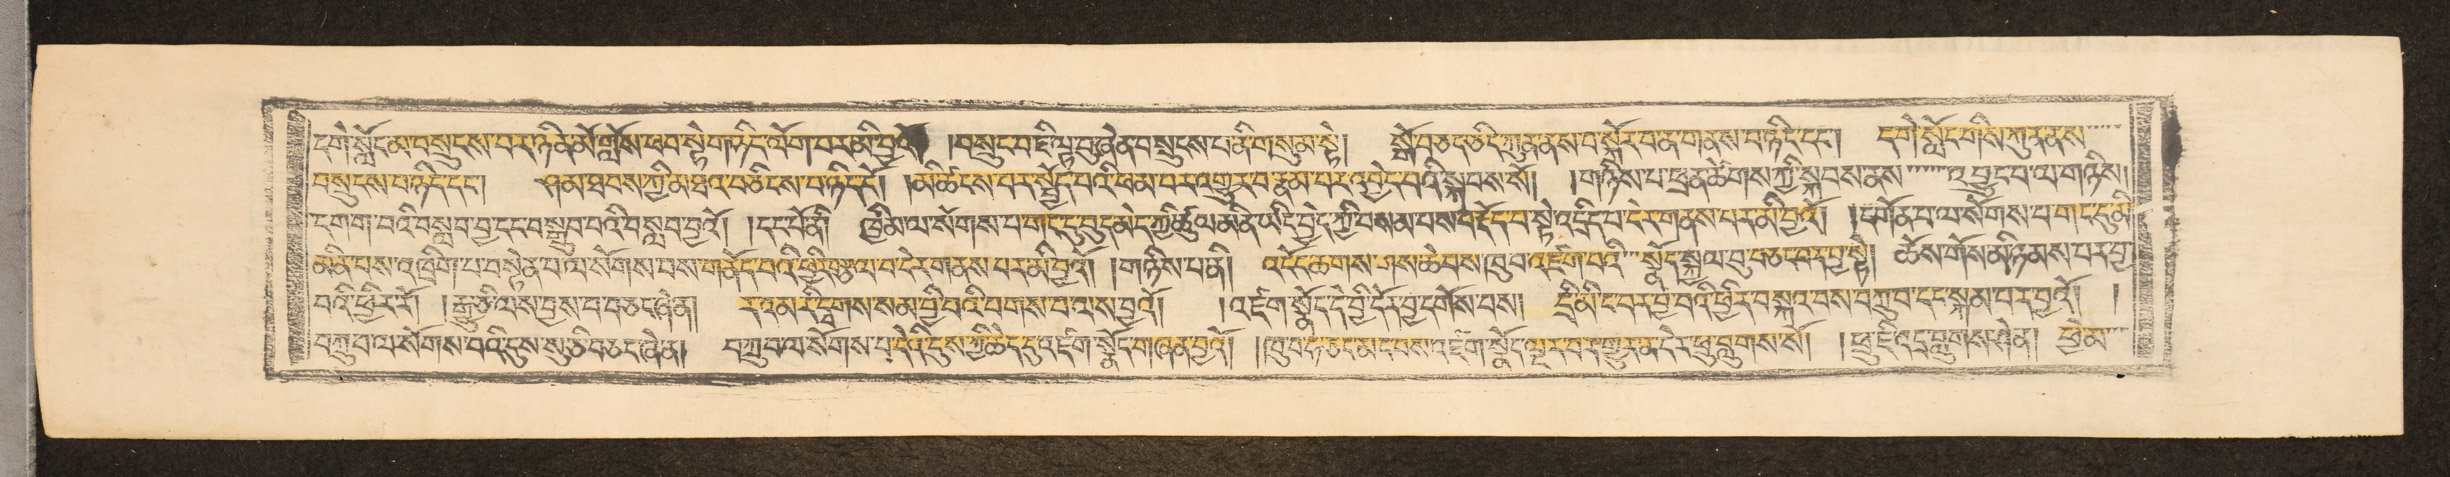དགེ་སློང་མ་བསྲུངས་པར་ཉིན་མོ་བློས་ཕབ་སྟེ་གཉིད་ལོག་པར་མི་བྱའོ། །བསྲུང་བ་ཇི་ལྟ་བུ་ཞེ་ན་བསྲུངས་པ་ནི་གསུམ་སྟེ། སྒོ་བཅད་ཅིང་ཀུན་ནས་བསྐོར་བ་ན་གནས་བ་ཉིད་དང་། དགེ་སློང་གིས་ཀུན་ནས་
བསྲུངས་པ་ཉིད་དང་། ཤམ་ཐབས་ཀྱི་མཐའ་བཅིངས་པ་ཉིད་དོ། །མི་ཚངས་པར་སྤྱོད་པའི་ཕམ་པར་འགྱུར་བ་རྣམ་པར་འབྱེད་པའི་སྐབས་སོ། །གཉིས་བ་ཕྲན་ཚེགས་ཀྱི་སྐབས་ནས་འབྱུང་བ་ལ་གཉིས།
དགག་བའི་བསླབ་བྱ་དང་བསྒྲུབ་པའི་བསླབ་བྱའོ། །དང་བོ་ནི། ཁྱིམ་ལ་སོགས་པ་གང་དུ་བུད་མེད་ཀྱི་ཚུལ་མིན་ཡིད་བྱེད་ཀྱི་བསམ་པས་བརྗོད་པ་སྟེ་འདྲིད་པ་དེར་གནས་པར་མི་བྱའོ། །དགོན་པ་ལ་སོགས་པ་གང་དུ་མི་
མིན་པས་འཁྲིག་པ་བསྟེན་པ་ལ་སོགས་པས་གནོད་པའི་ཕྱིར་བརྩལ་བ་དེར་གནས་པར་མི་བྱའོ། །གཉིས་པ་ནི། འདོད་ཆགས་ཤས་ཆེ་བས་ཁུ་བ་འཛག་པའི་སྣོད་སྐྱལ་བུ་བཅང་བར་བྱ་སྟེ། ཆོས་གོས་མི་ཉམས་པར་བྱ་
བའི་ཕྱིར་རོ། །རྒྱུ་ཅི་ལས་བྱས་བ་བཅང་ཞེ་ན། རའམ་རི་དྭགས་སམ་བྱི་བའི་པགས་པ་ལས་བྱའོ། །འཛག་སྣོད་དེ་བྱི་དོར་བྱ་དགོས་པས། དྲི་མི་ང་བར་བྱ་བའི་ཕྱིར་བསྐའ་བས་བཀྲུ་བ་དང་སྐམ་པར་བྱའོ། །
བཀྲུ་བ་ལ་སོགས་པའི་དུས་སུ་ཅི་བཅང་ཞེ་ན། བཀྲུ་བ་ལ་སོགས་པ་དེའི་དུས་ཀྱི་ཆེད་དུ་འཛག་སྣོད་གཞན་བྱའོ། །ཁུ་བ་ཧ་ཅང་མང་བས་འཛག་སྣོད་ལྡར་བར་གྱུར་ན་དེར་ཕྲུ་བླུགས་སོ། །ཕྲུ་ཇི་འདྲ་བླུགས་ཤེ་ན། ཕྱེ་མ་